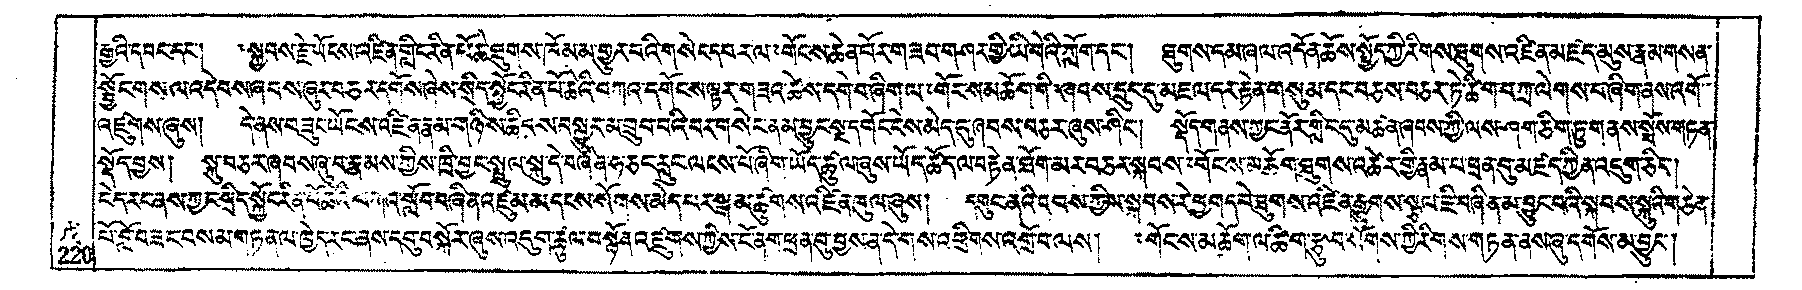རྒྱའི་དབང་དང་། ༧སྐྱབས་རྗེ་ཡོངས་འཛིན་གླིང་རིན་པོ་ཆེ་ཐུགས་ཁོམ་མ་གྱུར་པའི་གསེང་དབར་ལ་༧གོང་ས་ཆེན་པོར་གཟབ་གཤར་གྱི་ཡི་གེའི་ཀློག་དང་། ཐུགས་དམ་ཞལ་འདོན་ཆོས་སྤྱོད་ཀྱི་རིགས་ཐུགས་འཛིན་མཛད་མུས་རྣམ་གསན་
སྦྱོང་གསལ་འདེབས་ཞབས་ཞུར་བཅར་དགོས་ཞེས་སྲིད་སྐྱོང་རིན་པོ་ཆེའི་བཀའ་དགོངས་ལྟར་གཟའ་ཚེས་དགེ་བ་ཞིག་ལ་༧གོང་ས་མཆོག་གི་༧ཞབས་དྲུང་དུ་མཇལ་དར་རྟེན་གསུམ་དང་བཅས་བཅར་ཏེ་ཚིག་བཀྲ་ལེགས་པ་ཞིག་ནས་འགོ་
འཛུགས་ཞུས། དེ་ནས་བཟུང་ཡོངས་འཛིན་རྣམ་གཉིས་ཆིབས་བསྒྱུར་མ་གྲུབ་པའི་བར་གསེང་ནམ་བྱུང་སྔ་དགོང་ངེས་མེད་དུ་ཞབས་བཅར་ཞུས་ཤིང་། སྡོད་གནས་ཀྱང་ནོར་གླིང་དུ་མཚན་ཞབས་ཀྱི་ལས་ཤག་ཅིག་ཏུ་གནས་སྤོས་གཏན་
སྡོད་བྱས། སྐུ་བཅར་ཞབས་ཞུ་བ་རྣམས་ཀྱིས་ཁྲི་བྱང་སྤྲུལ་སྐུ་དེ་བཞིན་ཧ་ཅང་རླུང་ལངས་པོ་ཞིག་ཡོད་ཚུལ་ཞུས་ཡོད་ཚོད་ལ་བརྟེན་ཐོག་མར་བཅར་སྐབས་༧གོང་ས་མཆོག་ཐུགས་འཚེར་གྱི་རྣམ་པ་ཕྲན་བུ་མཛད་ཀྱིན་འདུག་ཅིང་།
ངེད་རང་ནས་ཀྱང་སྲིད་སྐྱོང་རིན་པོ་ཆེའི་བཀའ་སློབ་བཞིན་འཛུམ་མདངས་སོགས་མེད་པར་སྒམ་ཚུགས་འཛིན་ཁུལ་ཞུས། དགུང་ནའི་བབས་ཀྱིས་སྐབས་རེ་ཕྱག་དཔེ་ཐུགས་འཛིན་རྒྱུགས་སྩལ་ཇི་བཞིན་མ་བྱུང་བའི་སྐབས་སྐུའི་གཅེན་
པོ་བློ་བཟང་བསམ་གཏན་ལ་ཁྱེད་རང་ནས་དབུ་བསྐོར་ཞུས་འདུག་ཚུལ་བསྙོན་འཛུགས་ཀྱིས་ངོ་ནག་ཕྲན་བུ་བྱས་ན་དེ་གས་འགྲིགས་འགྲོ་བ་ལས། ༧གོང་ས་མཆོག་ལ་ཚིག་རྩུབ་སོགས་ཀྱི་རིགས་གཏན་ནས་ཞུ་དགོས་མ་བྱུང་།